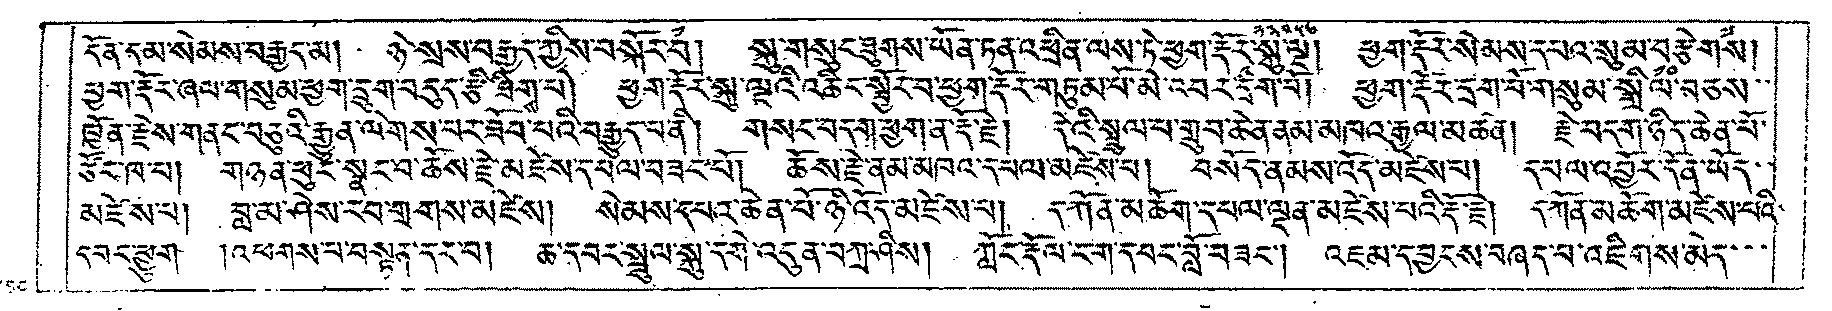དོན་དམ་སེམས་བརྒྱད་མ། ཉེ་སྲས་བརྒྱད་ཀྱིས་བསྐོར་བ ༡། སྐུ་གསུང་ཐུགས་ཡོན་ཏན་འཕྲིན་ལས་ཏེ་ཕྱག་རྡོར ༢༣༤༥༦་སྐུ་ལྔ། ཕྱག་རྡོར་སེམས་དཔའ་སུམ་བརྩེགས ༧།
ཕྱག་རྡོར་ཞལ་གསུམ་ཕྱག་དྲུག་བདུད་རྩི་ཐིགས་པ ༨། ཕྱག་རྡོར་སྐུ་ལྔའི་འཆིང་སྦྱོར་བ་ཕྱག་རྡོར་གཏུམ་པོ་མེ་འབར་དྲག ༩་པོ། ཕྱག་རྡོར་དྲག་པོ་གསུམ་སྒྲིལ ༡༠་བཅས་
ཁྱོན་རྗེས་གནང་བཅུའི་རྒྱུན་ལེགས་པར་ཐོབ་པའི་བརྒྱུད་པ་ནི། གསང་བདག་ཕྱག་ན་རྡོ་རྗེ། དེའི་སྤྲུལ་པ་གྲུབ་ཆེན་ནམ་མཁའ་རྒྱལ་མཚན། རྗེ་བདག་ཉིད་ཆེན་པོ་
ཙོང་ཁ་པ། གཉན་ཕུང་སྣང་བ་ཆོས་རྗེ་མཛེས་དཔལ་བཟང་པོ། ཆོས་རྗེ་ནམ་མཁའ་དཔལ་མཛེས་པ། བསོད་ནམས་འོད་མཛེས་པ། དཔལ་འབྱོར་དོན་ཡོད་
མཛེས་པ། བླ་མ་ཤེས་རབ་གྲགས་མཛེས། སེམས་དཔའ་ཆེན་པོ་ཉི་འོད་མཛེས་པ། དཀོན་མཆོག་དཔལ་ལྡན་མཛེས་པའི་རྡོ་རྗེ། དཀོན་མཆོག་མཛེས་པའི་
དབང་ཕྱུག །འཕགས་པ་བསྟན་དར་བ། ཆ་དབར་སྤྲུལ་སྐུ་དགེ་འདུན་བཀྲ་ཤིས། ཀློང་རྡོལ་ངག་དབང་བློ་བཟང་། འཇམ་དབྱངས་བཞད་པ་འཇིགས་མེད་